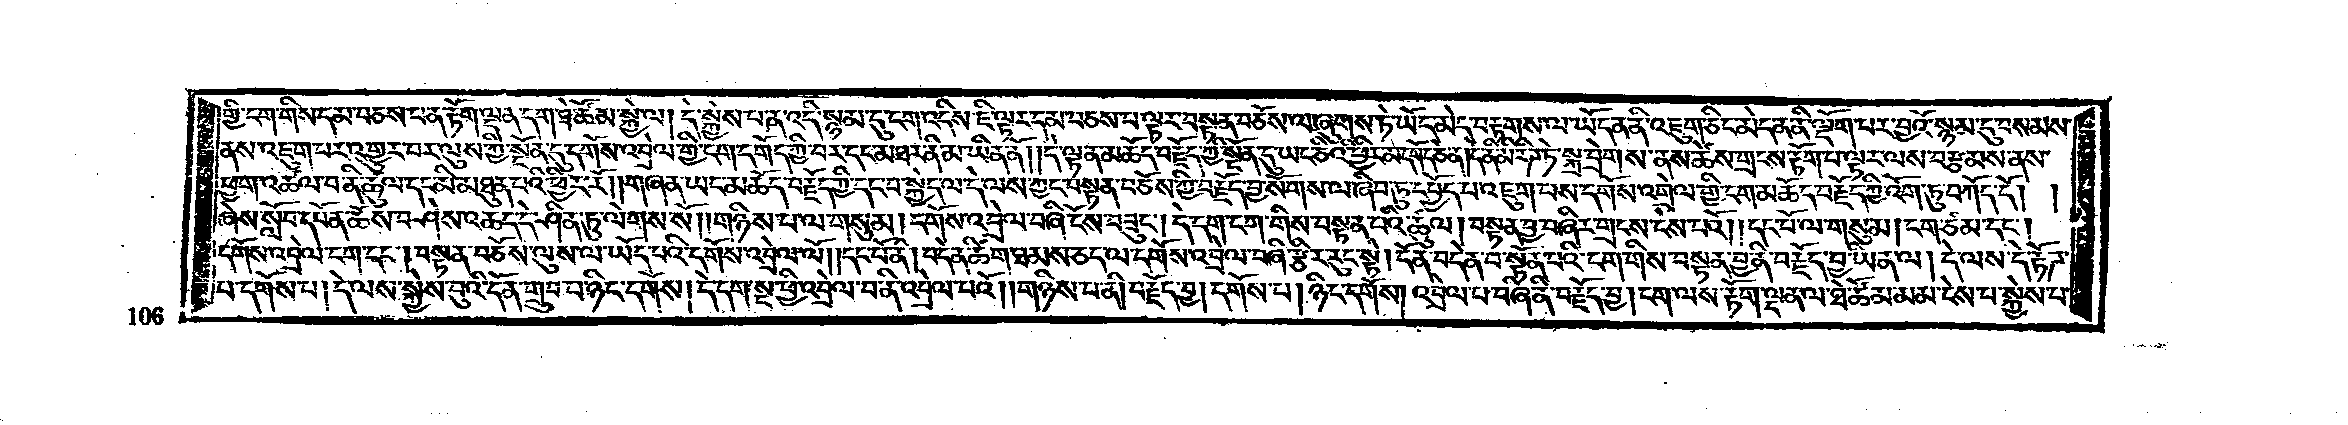གྱི་ངག་གིས་དམ་བཅས་པ་ན་རྟོག་ལྡན་དག་ཐེ་ཚོམ་སྐྱེ་ལ། དེ་སྐྱེས་པ་ན་འདི་སྙམ་དུ་ངག་འདིས་ཇི་ལྟར་དམ་བཅས་པ་ལྟར་བསྟན་བཅོས་ལ་ཞུགས་ཏེ་ཡོད་མེད་བརྟགས་ལ་ཡོད་ན་ནི་འཇུག་ཅིང་མེད་ན་ནི་ལྡོག་པར་བྱའོ་སྙམ་དུ་བསམས་
ནས་འཇུག་པར་འགྱུར་བར་ལུས་ཀྱི་སྔོན་དུ་དགོས་འབྲེལ་གྱི་ངག་དགོད་ཀྱི་བར་དང་མཐར་ནི་མ་ཡིན་ནོ། །དེ་ལྟ་ན་མཆོད་བརྗོད་ཀྱི་སྔོན་དུ་ཡང་ཅིའི་ཕྱིར་མ་དགོད་ཅེ་ན། དེ་ནི་མི་རིགས་ཏེ་སྐྲ་བྲེགས་ནས་ཚེས་གྲངས་རྟོག་པ་ལྟར་ལས་བརྩམས་ནས་
ཕྱག་འཚལ་བ་ནི་ཚུལ་དང་མི་མཐུན་པའི་ཕྱིར་རོ། །གཞན་ཡང་མཆོད་བརྗོད་ཀྱི་དང་བ་སྐྱེད་ལ་དེ་ལས་ཀྱང་བསྟན་བཅོས་ཀྱི་བརྗོད་བྱ་སོགས་ལ་ཞིབ་ཏུ་དཔྱོད་པ་འཇུག་པས་དགོས་འགྲེལ་གྱི་ངག་མཆོད་བརྗོད་ཀྱི་འོག་ཏུ་བཀོད་དོ། །
ཞེས་སློབ་དཔོན་ཆོས་བཤེས་འཆད་དེ་ཤིན་ཏུ་ལེགས་སོ། །གཉིས་པ་ལ་གསུམ། དགོས་འབྲེལ་བཞི་ངོས་བཟུང་། དེ་དག་ངག་གིས་བསྟན་པའི་ཚུལ། བསྟན་བྱ་བཞིར་གྲངས་ངེས་པའོ། །དང་པོ་ལ་གསུམ། ངག་ཙམ་དང་།
དགོས་འབྲེལ་ངག་དང་། བསྟན་བཅོས་ལུས་ལ་ཡོད་པའི་དགོས་འབྲེལ་ལོ། །དང་པོ་ནི། བདེན་ཚིག་ཐམས་ཅད་ལ་དགོས་འབྲེལ་བཞི་རྩིར་རུང་སྟེ། དོན་བདེན་པ་སྟོན་པའི་ངག་གིས་བསྟན་བྱ་ནི་བརྗོད་བྱ་ཡིན་ལ། དེ་ལས་དེ་རྟོགས་
པ་དགོས་པ། དེ་ལས་སྐྱེས་བུའི་དོན་གྲུབ་ཉིང་དགོས། དེ་དག་སྔ་ཕྱི་འབྲེལ་བ་ནི་འབྲེལ་བའོ། །གཉིས་པ་ནི། བརྗོད་བྱ། དགོས་པ། ཉིང་དགོས། འབྲེལ་པ་བཞི་ནི་བརྗོད་བྱ། ངག་ལས་རྟོག་ལྡན་ལ་ཐེ་ཚོམ་མམ་ངེས་པ་སྐྱེས་པ་